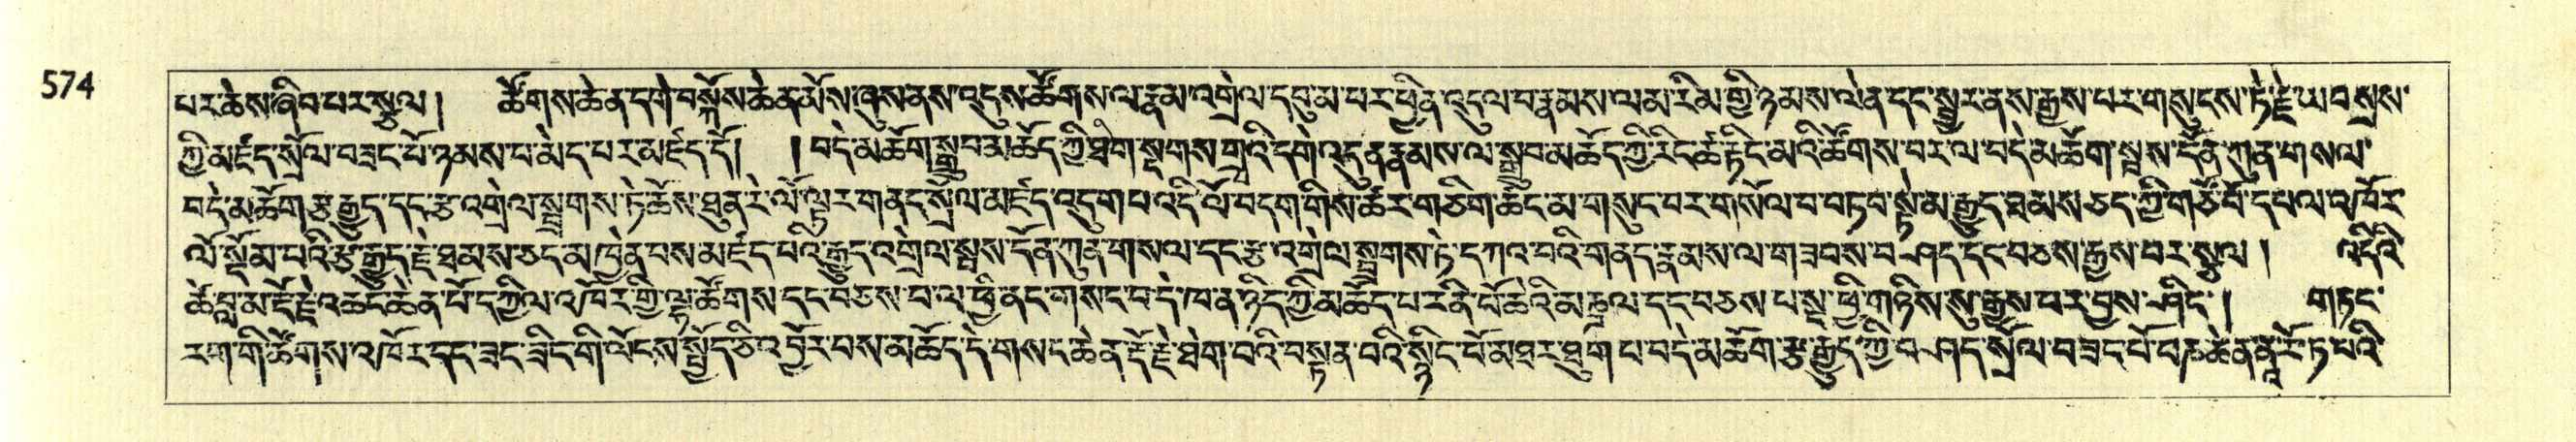པར་ཆེས་ཞིབ་པར་སྩལ། ཚོགས་ཆེན་དགེ་བསྐོས་ཆེན་མོས་ཞུས་ནས་འདུས་ཚོགས་ལ་རྣམ་འགྲེལ་དབུ་མ་པར་ཕྱིན་འདུལ་བ་རྣམས་ལམ་རིམ་གྱི་ཉམས་ལེན་དང་སྦྱར་ནས་རྒྱས་པར་གསུངས་ཏེ་རྗེ་ཡབ་སྲས་
ཀྱི་མཛད་སྲོལ་བཟང་པོ་ཉམས་པ་མེད་པར་མཛད་དོ། །བདེ་མཆོག་སྒྲུབ་མཆོད་ཀྱི་ཐིག་སྔགས་གྲྭའི་དགེ་འདུན་རྣམས་ལ་སྒྲུབ་མཆོད་ཀྱི་རིང་ཚ་རྟིང་མའི་ཚོགས་བར་ལ་བདེ་མཆོག་སྦས་དོན་ཀུན་གསལ་
བདེ་མཆོག་རྩ་རྒྱུད་དང་རྩ་འགྲེལ་སྦྲགས་ཏེ་ཆོས་ཐུན་རེ་ལོ་ལྟར་གནང་སྲོལ་མཛད་འདུག་པ་འདི་ལོ་བདག་གིས་ཚར་གཅིག་ཚང་མ་གསུང་བར་གསོལ་བ་བཏབ་སྟེ་མ་རྒྱུད་ཐམས་ཅད་ཀྱི་གཙོ་བོ་དཔལ་འཁོར་
ལོ་སྡོམ་པའི་རྩ་རྒྱུད་རྗེ་ཐམས་ཅད་མཁྱེན་པས་མཛད་པའི་རྒྱུད་འགྲེལ་སྦས་དོན་ཀུན་གསལ་དང་རྩ་འགྲེལ་སྦྲགས་ཏེ་དཀའ་བའི་གནད་རྣམས་ལ་གཟབས་བཤད་དང་བཅས་རྒྱས་བར་སྩལ། འདིའི་
ཚེ་བླ་མ་རྡོ་རྗེ་འཆང་ཆེན་པོ་དཀྱིལ་འཁོར་གྱི་ལྷ་ཚོགས་དང་བཅས་བ་ལ་ཕྱི་ནང་གསང་བ་དེ་ཁ་ན་ཉིད་ཀྱི་མཆོད་པ་རིན་པོ་ཆེའི་མཎྜལ་དང་བཅས་པ་སྔ་ཕྱི་གཉིས་སུ་རྒྱས་པར་བྱས་ཤིང་། གཏང་
རག་གི་ཚོགས་འཁོར་དང་ཟང་ཟིང་གི་ལོངས་སྤྱོད་ཅི་འབྱོར་བས་མཆོད་དེ་གསང་ཆེན་རྡོ་རྗེ་ཐེག་བའི་བསྟན་བའི་སྙིང་པོ་མཐར་ཐུག་པ་བདེ་མཆོག་རྩ་རྒྱུད་ཀྱི་བཤད་སྲོལ་བཟང་པོ་པཎ་ཆེན་ནཱ་རོ་ཏ་པའི་